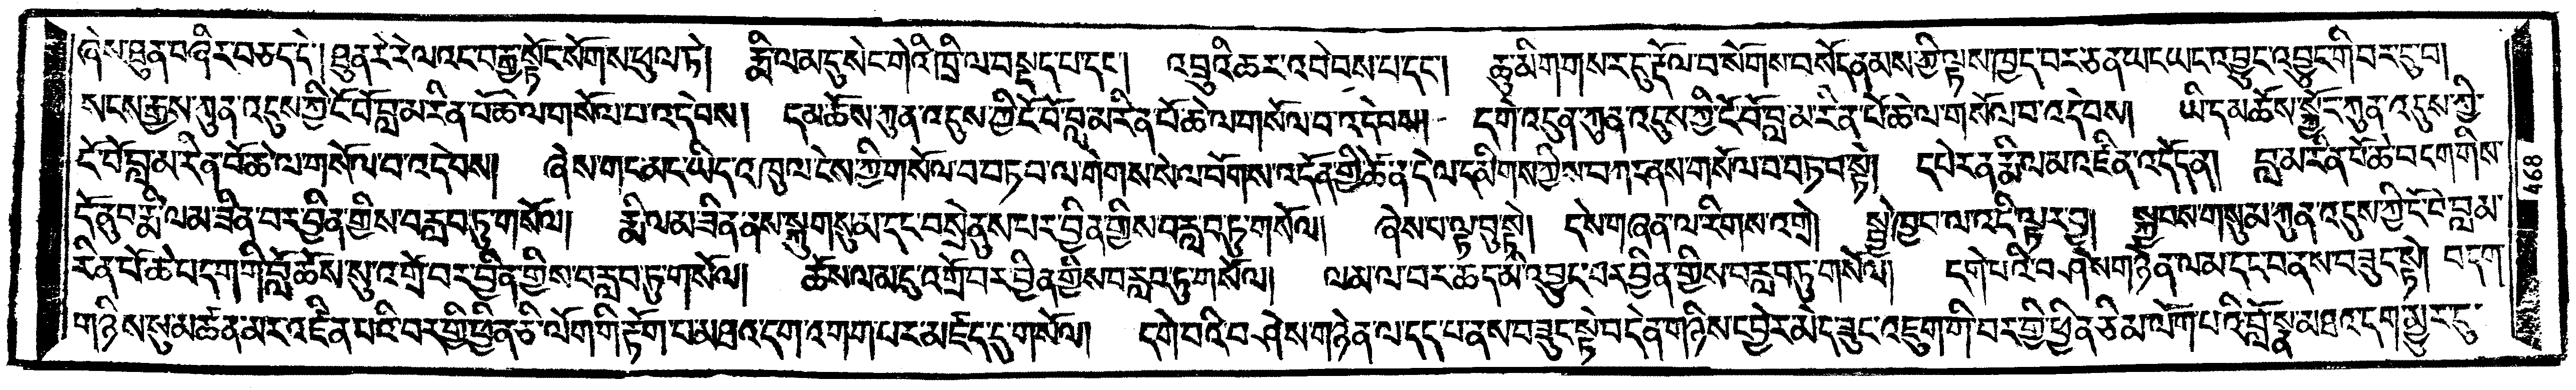ཞེས་ཐུན་བཞིར་བཅད་དེ། ཐུན་རེ་རེ་ལའང་བརྒྱ་སྟོང་སོགས་ཕུལ་ཏེ། རྨི་ལམ་དུ་སེང་གེའི་ཁྲི་ལ་བསྡད་པ་དང་། འབྲུའི་ཆར་འབེབས་པ་དང་། ཆུ་མིག་གསར་དུ་རྡོལ་བ་སོགས་བསོད་ནམས་ཀྱི་ལྟས་ཁྱད་པར་ཅན་ཡང་ཡང་འབྱུང་འབྱུང་གི་བར་དུ་བ།
སངས་རྒྱས་ཀུན་འདུས་ཀྱི་ངོ་བོ་བླ་མ་རིན་པོ་ཆེ་ལ་གསོལ་བ་འདེབས། དམ་ཆོས་ཀུན་འདུས་ཀྱི་ངོ་བོ་བླ་མ་རིན་པོ་ཆེ་ལ་གསོལ་བ་འདེབས། དགེ་འདུན་ཀུན་འདུས་ཀྱི་ངོ་བོ་བླ་མ་རིན་པོ་ཆེ་ལ་གསོལ་བ་འདེབས། ཡི་དམ་ཆོས་སྐྱོང་ཀུན་འདུས་ཀྱི་
ངོ་བོ་བླ་མ་རིན་པོ་ཆེ་ལ་གསོལ་བ་འདེབས། ཞེས་གང་མང་ཡིད་འཁུལ་ངེས་ཀྱི་གསོལ་བ་བཏབ་ལ་གེགས་སེལ་བོགས་འདོན་གྱི་ཚེ་ན་དེ་ལ་དམིགས་ཀྱིས་བཀར་ནས་གསོལ་བ་བཏབ་སྟེ། དཔེར་ན་རྨི་ལམ་འཛིན་འདོད་ན། བླ་མ་རིན་པོ་ཆེ་བདག་གིས་
དོ་ནུབ་རྨི་ལམ་ཟིན་བར་བྱིན་གྱིས་བརླབ་ཏུ་གསོལ། རྨི་ལམ་ཟིན་ནས་སྐུ་གསུམ་དང་བསྲེ་ནུས་པར་བྱིན་གྱིས་བརླབ་ཏུ་གསོལ། ཞེས་པ་ལྟ་བུ་སྟེ། དེས་གཞན་ལ་རིགས་འགྲེ། སྤྱི་ཁྱབ་ལ་འདི་ལྟར་བྱ། སྐྱབས་གསུམ་ཀུན་འདུས་ཀྱི་ངོ་བོ་བླ་མ་
རིན་པོ་ཆེ་བདག་གི་བློ་ཆོས་སུ་འགྲོ་བར་བྱིན་གྱིས་བརླབ་ཏུ་གསོལ། ཆོས་ལམ་དུ་འགྲོ་བར་བྱིན་གྱིས་བརླབ་ཏུ་གསོལ། ལམ་ལ་བར་ཆད་མི་འབྱུང་བར་བྱིན་གྱིས་བརླབ་ཏུ་གསོལ། དགེ་བའི་བཤེས་གཉེན་ལམ་དང་བ་ནས་བཟུང་སྟེ། བདག་
གཉིས་སུ་མཚན་མར་འཛིན་པའི་བར་གྱི་ཕྱིན་ཅི་ལོག་གི་རྟོག་པ་མཐའ་དག་འགག་པར་མཛད་དུ་གསོལ། དགེ་བའི་བཤེས་གཉེན་ལ་དད་པ་ནས་བཟུང་སྟེ་བདེན་གཉིས་དབྱེར་མེད་ཟུང་འཇུག་གི་བར་གྱི་ཕྱིན་ཅི་མ་ལོག་པའི་བློ་སྣ་མཐའ་དག་མྱུར་དུ་